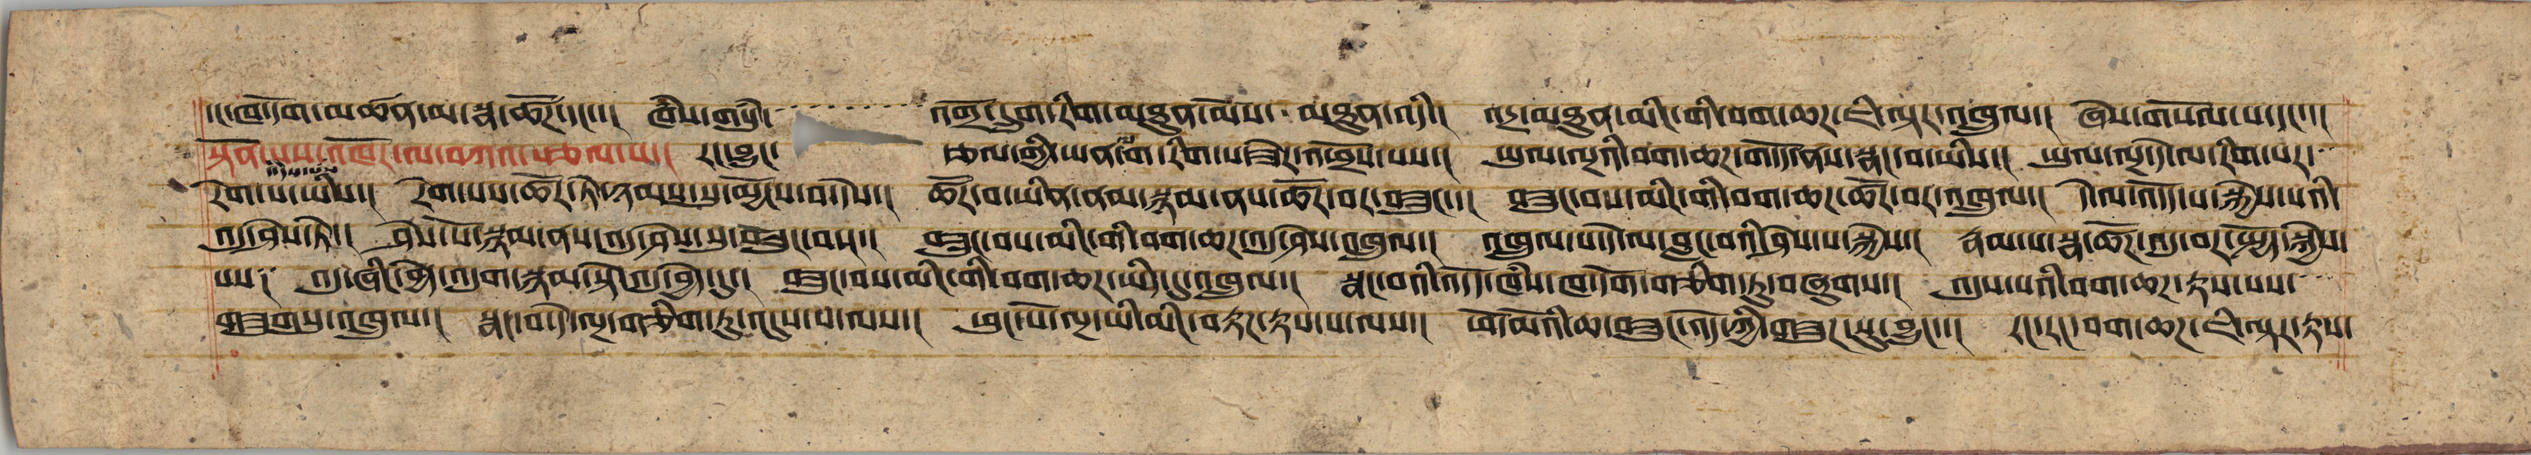དང་ཁ་དོག་མཚན་མ་སྣ་ཚོཌ་དང་་། ཁཾས་གསུཾ་ འགྲོ་དྲུག་རིག་མཐུན་མོས་མཐུན་འདི་། འདྲ་མཐུན་མིང་གི་བག་ཆཌ་ཇི་ལྟར་འཁྲུལ་། ཞེས་གསོལ་པ་དང་་།
སྟོན་པས་འཁོར་ལ་བཀའ་སྩལ་པ་། རང་བྱུང་ རྩལ་གྱི་ཡན་ལག་རིག་པ་ཟེར་འཕྲོས་པས་། ཡུལ་ལྔའི་བག་ཆཌ་གདོད་ནས་སྣང་བ་ཡིས་། ཡུལ་ལྔ་དེ་ལ་རིག་པར་
རེག་པ་ཡིས་། རེག་པས་ཚོར་ཏེ་ཉམས་སུ་མྱོངས་བ་དེས་། ཚོར་བ་ཡིན་ནམ་སྙམ་ནས་ཚོར་བར་བཟུང་་། བཟུང་བས་མིང་གི་བག་ཆཌ་ཚོར་བར་འཁྲུལ་། དེ་ལ་འདོད་པ་སྐྱེས་པའི་
འདུ་ཤེས་ཏེ་། ཤེས་སོ་སྙམ་ནས་འདུ་ཤེས་བུ་བཟུང་བས་། བཟུང་བས་མིང་གི་བག་ཆཌ་འདུ་ཤེས་འཁྲུལ་། འཁྲུལ་པ་དེ་ལ་བླང་བའི་ཤེས་པ་སྐྱེས་། རྣམ་པ་སྣ་ཚོཌ་འདུ་བར་སྤྱོད་སྐྱེས་
པས༑ འདུ་ཞིང་བྱེད་འདུག་སྙམ་སྟེ་འདུ་བྱེད་དུ་། བཟུང་བས་མིང་གི་བག་ཆཌ་ཡིད་དུ་འཁྲུལ་། སྣང་བའི་འདོད་ཁཾས་ཁ་དོག་གཅིག་ཏུ་བཞུགས་། འདུས་པའི་བག་ཆཌ་རྟས་ནས་
གཟུགསུ་འཁྲུལ་། སྣང་བ་དེ་ལྔ་གཅིག་ཏུ་འདུས་པ་ལས་། ཕུང་པོ་ལྔ་ཡི་མིང་བརྟཌ་རྟས་པ་ལས་། ཕོ་མོའི་ཆ་བཟུང་འདོ་ཀྱི་གཟུཌ་སུ་བྱུང་་། རང་རང་བག་ཆཌ་ཇི་ལྟར་རྟས་